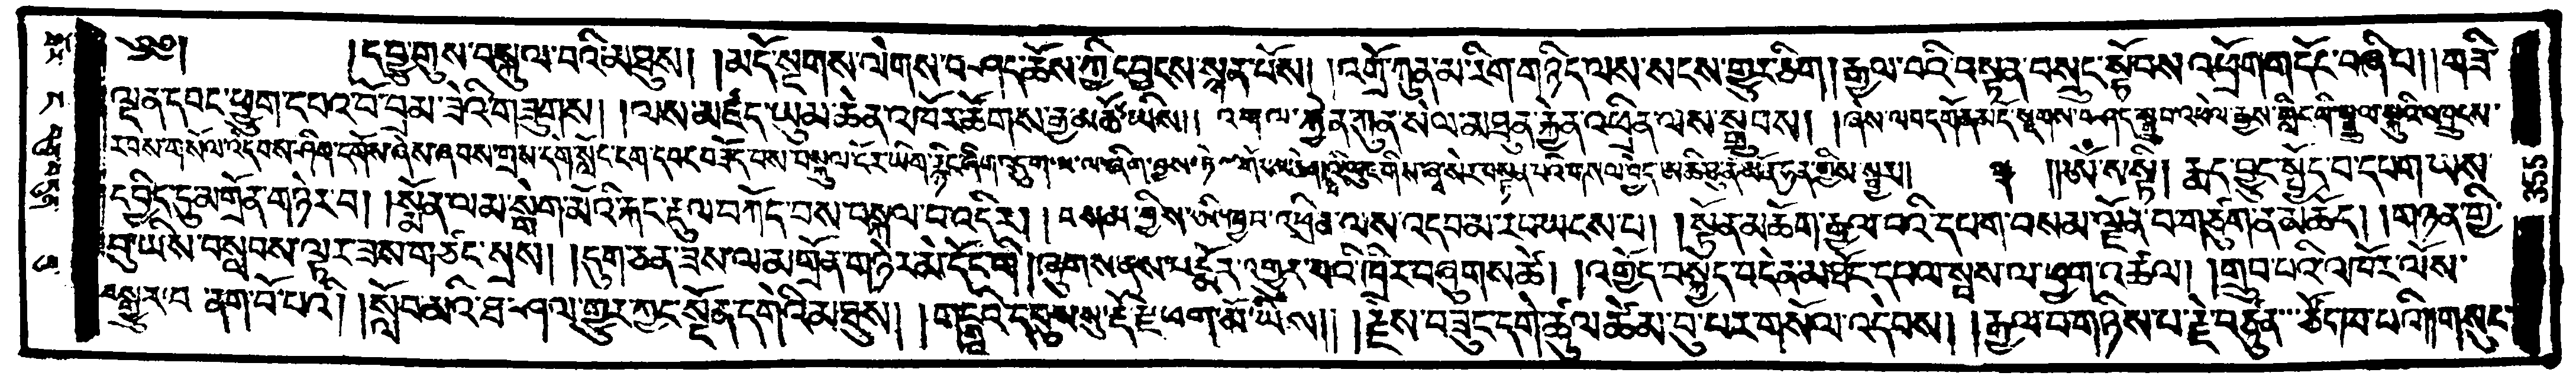༄༅། །དབྱུ་གུས་བསྐུལ་བའི་མཐུས། །མདོ་སྔགས་ལེགས་བཤད་ཆོས་ཀྱི་དབྱངས་སྙན་པོས། །འགྲོ་ཀུན་མ་རིག་གཉིད་ལས་སངས་གྱུར་ཅིག །རྒྱལ་བའི་བསྟན་བསྲུང་སྟོབས་འཕྲོག་གདོང་བཞི་པ། །གཟི་
ལྡན་དབང་ཕྱུག་དཔའ་བོ་བྲམ་ཟེའི་གཟུགས། །ལས་མཛད་ཡུམ་ཆེན་འཁོར་ཚོགས་རྒྱ་མཚོ་ཡིས། །འགལ་རྐྱེན་ཀུན་སེལ་མཐུན་རྐྱེན་འཕྲིན་ལས་སྒྲུབས། །ཞེས་ལབ་དགོན་མདོ་སྔགས་བཤད་སྒྲུབ་འཕེལ་རྒྱས་གླིང་གི་སྤྲུལ་སྐུའི་འཁྲུངས་
རབས་གསོལ་འདེབས་ཤིག་དགོས་ཞེས་ཞབས་གྲས་དགེ་སློང་ངག་དབང་བཟོད་པས་བསྐུལ་ངོར་ཡིག་རྙིང་ཞིག་འདུག་པ་ལ་ཞིག་བྱས་ཏེ ༧་གོང་མ་ཆེན་པའི་ལུང་གིས་ཞྭ་སེར་བསྟན་པའི་གསལ་བྱེད་ཨ་ཆི་ཐུ་ནོ་མོན་ཧན་གྱིས་སྦྱར།། ༈ །།ཨོཾ་སྭ་སྟི། རྨད་བྱུང་སྤྱོད་པ་དཔག་ཡས་
དབྱིད་དུ་མགྲོན་གཉེར་བ། །སྨོན་ལམ་སྒེག་མོའི་རྐང་རྡུལ་བཀོད་པས་བསྐལ་བ་འདིར། །བསམ་གྱིས་ཨི་ཁྱབ་འཕྲིན་ལས་འདབ་མ་རབ་ཡངས་པ། །སྟོན་མཆོག་རྒྱལ་བའི་དཔག་བསམ་ལྗོན་པ་གཙུག་ན་མཆོད། །གཉན་གྱི་
བུ་ཡིས་བསླབས་ལྟར་ཟས་གཙང་སྲས། །དུག་ཅན་ཟས་ལ་མགྲོན་གཉེར་མེ་དོང་གི །ཞུགས་ནས་པདམོར་འགྱུར་བའི་ཁྲིར་བཞུགས་ཚེ། །འགྱོད་བསྐྱེད་བདེན་མཐོང་དཔལ་སྦས་ལ་ཕྱག་འཚལ། །གྲུབ་པའི་འཁོར་ལོས་
བསྒྱུར་བ་ནག་པོ་པའི། །སློབ་མའི་ཐ་ཤལ་གྱུར་ཀྱང་སྔོན་དགེའི་མཐུས། །གངྒཱའི་དབུས་སུ་རྡོ་རྗེ་ཕག་མོ་ཡིས། །རྗེས་བཟུང་དགེ་ཚུལ་ཚེམ་བུ་པར་གསོལ་འདེབས། །རྒྱལ་བ་གཉིས་པ་རྗེ་བཙུན་ཙོང་ཁ་པའི། །གསུང་